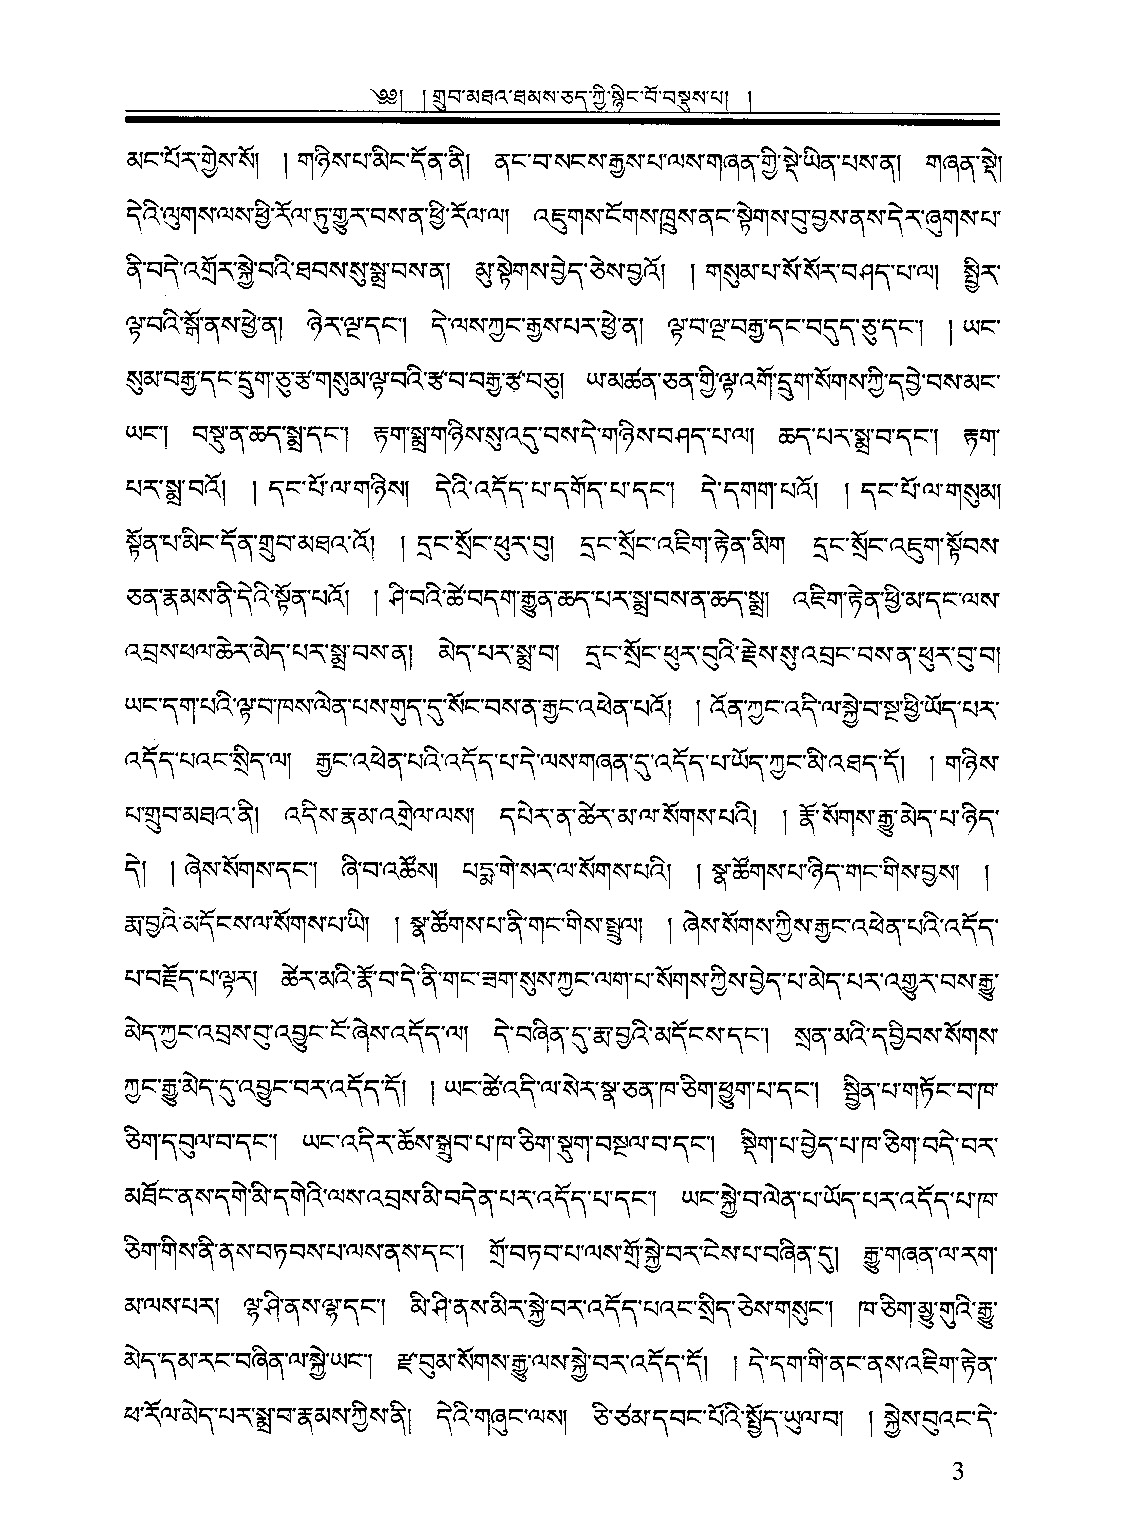མང་པོར་གྱེས་སོ། །གཉིས་པ་མིང་དོན་ནི། ནང་བ་སངས་རྒྱས་པ་ལས་གཞན་གྱི་སྡེ་ཡིན་པས་ན། གཞན་སྡེ།
དེའི་ལུགས་ལས་ཕྱི་རོལ་ཏུ་གྱུར་བས་ན་ཕྱི་རོལ་ལ། འཇུགས་ངོགས་ཁྲུས་ནང་སྟེགས་བུ་བྱས་ནས་དེར་ཞུགས་པ་
ནི་བདེ་འགྲོར་སྐྱེ་བའི་ཐབས་སུ་སྨྲ་བས་ན། མུ་སྟེགས་བྱེད་ཅེས་བྱའོ། །གསུམ་པ་སོ་སོར་བཤད་པ་ལ། སྤྱིར་
ལྟ་བའི་སྒོ་ནས་ཕྱེ་ན། ཉེར་ལྔ་དང་། དེ་ལས་ཀྱང་རྒྱས་པར་ཕྱེ་ན། ལྟ་བ་ལྔ་བརྒྱ་དང་བདུད་ཅུ་དང་། །ཡང་
སུམ་བརྒྱ་དང་དྲུག་ཅུ་རྩ་གསུམ་ལྟ་བའི་རྩ་བ་བརྒྱ་རྩ་བཅུ། ཡ་མཚན་ཅན་གྱི་ལྟ་འགོ་དྲུག་སོགས་ཀྱི་དབྱེ་བས་མང་
ཡང་། བསྡུ་ན་ཆད་སྨྲ་དང་། རྟག་སྨྲ་གཉིས་སུ་འདུ་བས་དེ་གཉིས་བཤད་པ་ལ། ཆད་པར་སྨྲ་བ་དང་། རྟག་
པར་སྨྲ་བའོ། །དང་པོ་ལ་གཉིས། དེའི་འདོད་པ་དགོད་པ་དང་། དེ་དགག་པའོ། །དང་པོ་ལ་གསུམ།
སྟོན་པ་མིང་དོན་གྲུབ་མཐའ་འོ། །དྲང་སྲོང་ཕུར་བུ། དྲང་སྲོང་འཇིག་རྟེན་མིག་དྲང་སྲོང་འཇུག་སྟོབས་
ཅན་རྣམས་ནི་དེའི་སྟོན་པའོ། །ཤི་བའི་ཚེ་བདག་རྒྱུན་ཆད་པར་སྨྲ་བས་ན་ཆད་སྨྲ། འཇིག་རྟེན་ཕྱི་མ་དང་ལས་
འབྲས་ཕལ་ཆེར་མེད་པར་སྨྲ་བས་ན། མེད་པར་སྨྲ་བ། དྲང་སྲོང་ཕུར་བུའི་རྗེས་སུ་འབྲང་བས་ན་ཕུར་བུ་བ།
ཡང་དག་པའི་ལྟ་བ་ཁས་ལེན་པས་གུད་དུ་སོང་བས་ན་རྒྱང་འཕེན་པའོ། །འོན་ཀྱང་འདི་ལ་སྐྱེ་བ་སྔ་ཕྱི་ཡོད་པར་
འདོད་པའང་སྲིད་ལ། རྒྱང་འཕེན་པའི་འདོད་པ་དེ་ལས་གཞན་དུ་འདོད་པ་ཡོད་ཀྱང་མི་འཐད་དོ། །གཉིས་
པ་གྲུབ་མཐའ་ནི། འདིས་རྣམ་འགྲེལ་ལས། དཔེར་ན་ཚེར་མ་ལ་སོགས་པའི། །རྣོ་སོགས་རྒྱུ་མེད་པ་ཉིད་
དེ། །ཞེས་སོགས་དང་། ཞི་བ་འཚོས། པདམ་གེ་སར་ལ་སོགས་པའི། །སྣ་ཚོགས་པ་ཉིད་གང་གིས་བྱས། །
རྨ་བྱའི་མདོངས་ལ་སོགས་པ་ཡི། །སྣ་ཚོགས་པ་ནི་གང་གིས་སྤྲུལ། །ཞེས་སོགས་ཀྱིས་རྒྱང་འཕེན་པའི་འདོད་
པ་བརྗོད་པ་ལྟར། ཚེར་མའི་རྣོ་བ་དེ་ནི་གང་ཟག་སུས་ཀྱང་ལག་པ་སོགས་ཀྱིས་བྱེད་པ་མེད་པར་འགྱུར་བས་རྒྱུ་
མེད་ཀྱང་འབྲས་བུ་འབྱུང་ངོ་ཞེས་འདོད་ལ། དེ་བཞིན་དུ་རྨ་བྱའི་མདོངས་དང་། སྲན་མའི་དབྱིབས་སོགས་
ཀྱང་རྒྱུ་མེད་དུ་འབྱུང་བར་འདོད་དོ། །ཡང་ཚེ་འདི་ལ་སེར་སྣ་ཅན་ཁ་ཅིག་ཕྱུག་པ་དང་། སྦྱིན་པ་གཏོང་བ་ཁ་
ཅིག་དབུལ་བ་དང་། ཡང་འདིར་ཆོས་སྒྲུབ་པ་ཁ་ཅིག་སྡུག་བསྔལ་བ་དང་། སྡིག་པ་བྱེད་པ་ཁ་ཅིག་བདེ་བར་
མཐོང་ནས་དགེ་མི་དགེའི་ལས་འབྲས་མི་བདེན་པར་འདོད་པ་དང་། ཡང་སྐྱེ་བ་ལེན་པ་ཡོད་པར་འདོད་པ་ཁ་
ཅིག་གིས་ནི་ནས་བཏབས་པ་ལས་ནས་དང་། གྲོ་བཏབ་པ་ལས་གྲོ་སྐྱེ་བར་ངེས་པ་བཞིན་དུ། རྒྱུ་གཞན་ལ་རག་
མ་ལས་པར། ལྷ་ཤི་ནས་ལྷ་དང་། མི་ཤི་ནས་མིར་སྐྱེ་བར་འདོད་པའང་སྲིད་ཅེས་གསུང་། ཁ་ཅིག་མྱུ་གུའི་རྒྱུ་
མེད་དམ་རང་བཞིན་ལ་སྐྱེ་ཡང་། རྫ་བུམ་སོགས་རྒྱུ་ལས་སྐྱེ་བར་འདོད་དོ། །དེ་དག་གི་ནང་ནས་འཇིག་རྟེན་
ཕ་རོལ་མེད་པར་སྨྲ་བ་རྣམས་ཀྱིས་ནི། དེའི་གཞུང་ལས། ཅི་ཙམ་དབང་པོའི་སྤྱོད་ཡུལ་བ། །སྐྱེས་བུའང་དེ་